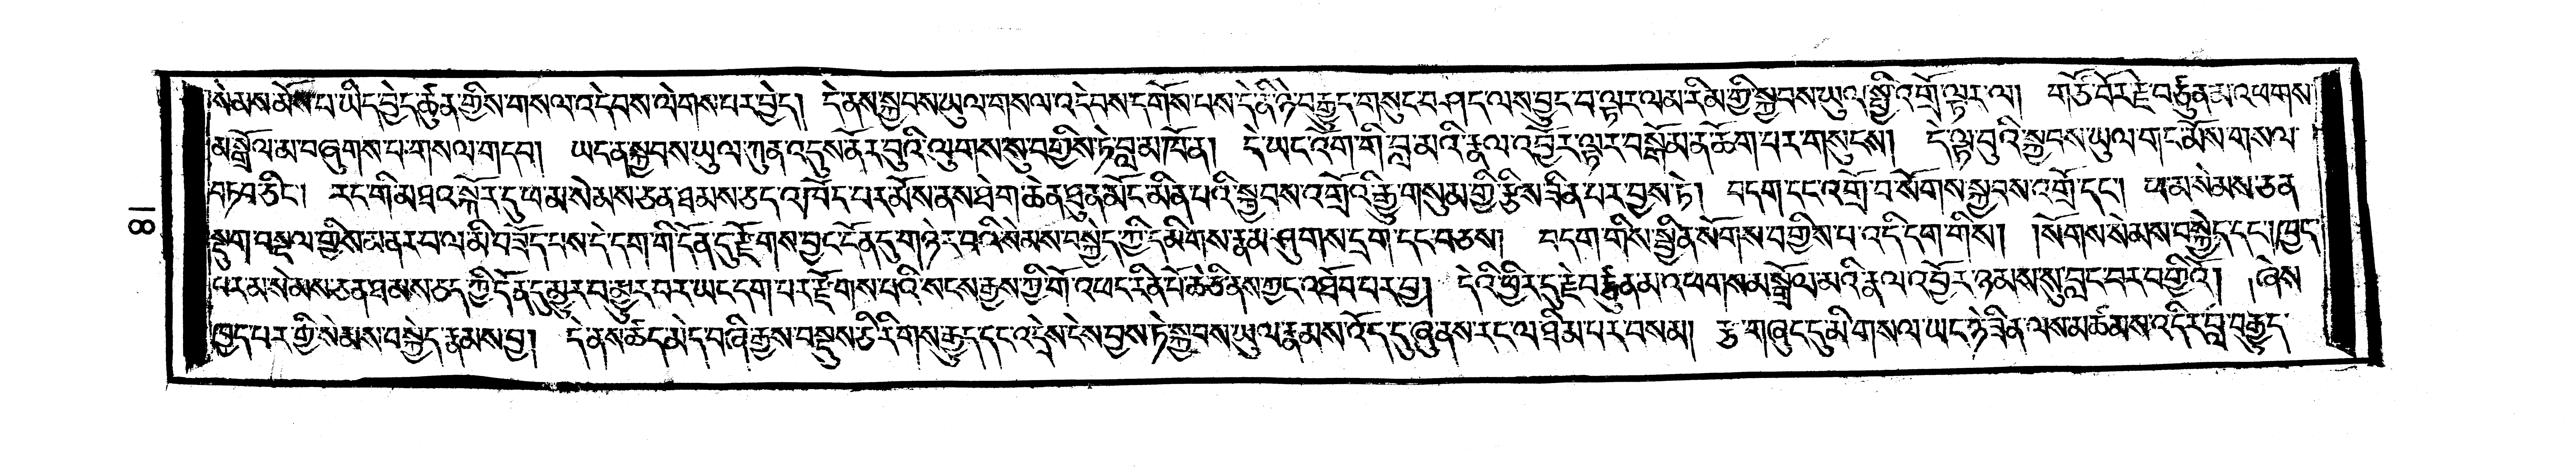སེམས་མོས་པ་ཡིད་བྱེད་ཚུན་གྱིས་གསལ་འདེབས་ལེགས་པར་བྱེད། དེ་ནས་སྐྱབས་ཡུལ་གསལ་འདེབས་དགོས་པས་དེ་ནི་ཉེ་བརྒྱུད་གསུང་བཤད་ལས་བྱུང་བ་ལྟར་ལམ་རིམ་གྱི་སྐྱབས་ཡུལ་སྤྱི་འགྲོ་ལྟར་ལ། གཙོ་བོར་རྗེ་བཙུན་མ་འཕགས་
མ་སྒྲོལ་མ་བཞུགས་པ་གསལ་གདབ། ཡང་ན་སྐྱབས་ཡུལ་ཀུན་འདུས་ནོར་བུའི་ལུགས་སུ་བགྱིས་ཏེ་བླ་མ་ཁོ་ན། དེ་ཡང་འོག་གི་བླ་མའི་རྣལ་འབྱོར་ལྟར་བསྒོམ་ན་ཆོག་པར་གསུངས། དེ་ལྟ་བུའི་སྐྱབས་ཡུལ་གང་མོས་གསལ་
བཏབ་ཅིང་། རང་གི་མཐའ་སྐོར་དུ་ཕ་མ་སེམས་ཅན་ཐམས་ཅད་འཁོད་པར་མོས་ནས་ཐེག་ཆེན་ཐུན་མོང་མིན་པའི་སྐྱབས་འགྲོའི་རྒྱུ་གསུམ་གྱི་རྩིས་ཟིན་པར་བྱས་ཏེ། བདག་དང་འགྲོ་བ་སོགས་སྐྱབས་འགྲོ་དང་། ཕ་མ་སེམས་ཅན་
སྡུག་བསྔལ་གྱིས་མནར་བ་ལ་མི་བཟོད་པས་དེ་དག་གི་དོན་དུ་རྫོགས་བྱད་དོན་དུ་གཉེར་བའི་སེམས་བསྐྱེད་ཀྱི་དམིགས་རྣམ་ཤུགས་དྲག་དང་བཅས། བདག་གིས་སྦྱིན་སོགས་བགྱིས་པ་འདི་དག་གིས། །སོགས་སེམས་བསྐྱེད་དང་། ཁྱད་
པར་མ་སེམས་ཅན་ཐམས་ཅད་ཀྱི་དོན་དུ་མྱུར་བ་མྱུར་བར་ཡང་དག་པར་རྫོགས་པའི་སངས་རྒྱས་ཀྱི་གོ་འཕང་རིན་པོ་ཆེ་ཅི་ནས་ཀྱང་འཐོབ་པར་བྱ། དེའི་ཕྱིར་དུ་རྗེ་བཙུན་མ་འཕགས་མ་སྒྲོལ་མའི་རྣལ་འབྱོར་ཉམས་སུ་བླང་བར་བགྱིའོ། །ཞེས་
ཁྱད་པར་གྱི་སེམས་བསྐྱེད་རྣམས་བྱ། དེ་ནས་ཚད་མེད་བཞི་རྒྱས་བསྡུས་ཅི་རིགས་རྒྱུད་དང་འདྲེས་ངེས་བྱས་ཏེ་སྐྱབས་ཡུལ་རྣམས་འོད་དུ་ཞུ་ནས་རང་ལ་ཐིམ་པར་བསམ། རྩ་གཞུང་དུ་མི་གསལ་ཡང་ཉེ་ཟིན་ལས་མཚམས་འདིར་བླ་བརྒྱུད་